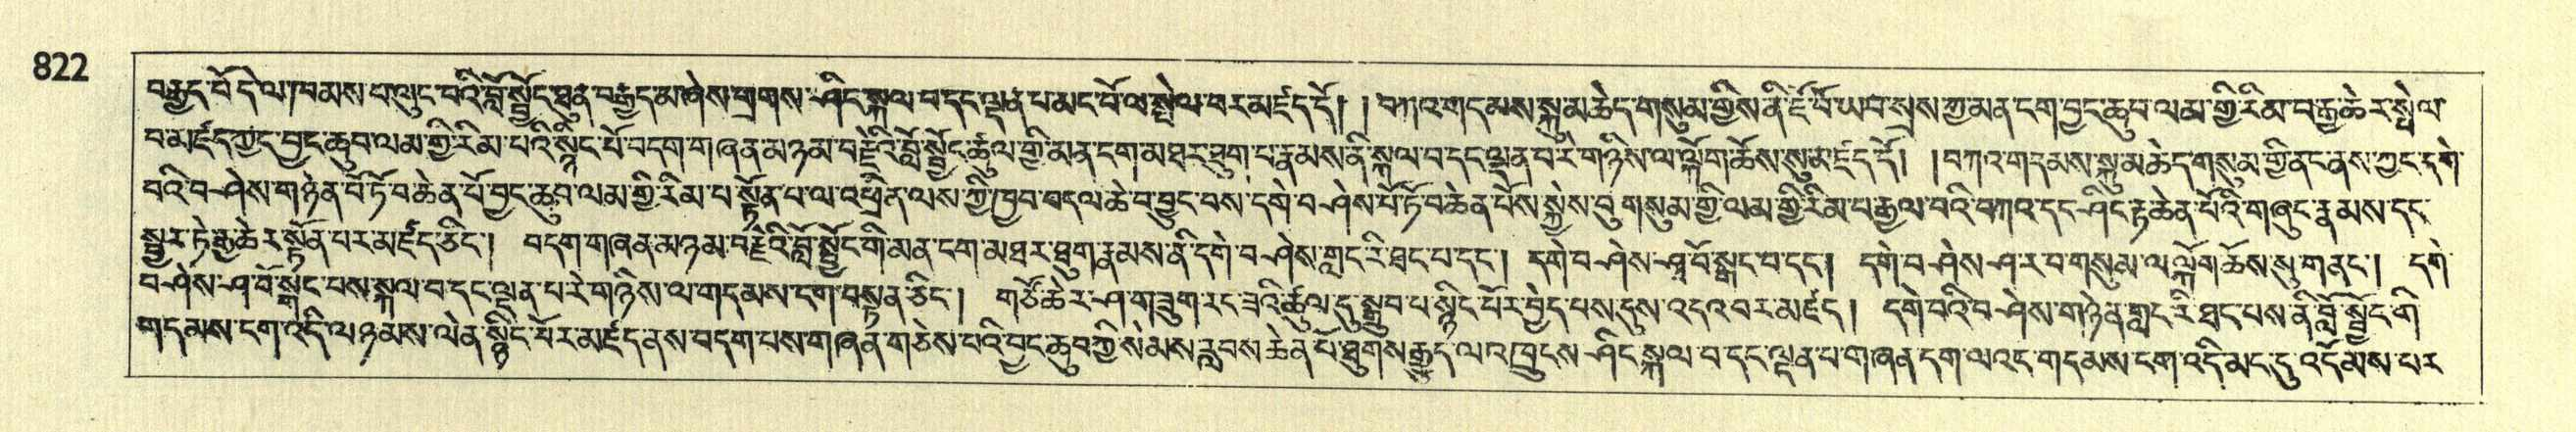བརྒྱད་བོ་དེ་ལ་ཁམས་པ་ལུང་བའི་བློ་སྦྱོང་ཐུན་བརྒྱད་མ་ཞེས་གྲགས་ཤིང་སྐལ་བ་དང་ལྡན་པ་མང་པོ་ལ་སྤེལ་བར་མཛད་དོ། །བཀའ་གདམས་སྐུ་མཆེད་གསུམ་གྱིས་ནི་ཇོ་བོ་ཡབ་སྲས་ཀྱི་མན་ངག་བྱང་ཆུབ་ལམ་གྱི་རིམ་པ་རྒྱ་ཆེར་སྤེལ་
བ་མཛད་ཀྱང་བྱང་ཆུབ་ལམ་གྱི་རིམ་པའི་སྙིང་པོ་བདག་གཞན་མཉམ་བརྗེའི་བློ་སྦྱོང་ཚུལ་གྱི་མན་ངག་མཐར་ཐུག་པ་རྣམས་ནི་སྐལ་བ་དང་ལྡན་པ་རེ་གཉིས་ལ་ལྐོག་ཆོས་སུ་མཛད་དོ། །བཀའ་གདམས་སྐུ་མཆེད་གསུམ་གྱི་ནང་ནས་ཀྱང་དགེ་
བའི་བཤེས་གཉེན་བོ་ཏོ་བ་ཆེན་པོ་བྱང་ཆུབ་ལམ་གྱི་རིམ་པ་སྟོན་པ་ལ་འཕྲིན་ལས་ཀྱི་ཁྱབ་བདལ་ཆེ་བ་བྱུང་བས་དགེ་བཤེས་པོ་ཏོ་བ་ཆེན་པོས་སྐྱེས་བུ་གསུམ་གྱི་ལམ་གྱི་རིམ་བ་རྒྱལ་བའི་བཀའ་དང་ཤིང་རྟ་ཆེན་པོའི་གཞུང་རྣམས་དང་
སྦྱར་ཏེ་རྒྱ་ཆེར་སྟོན་པར་མཛད་ཅིང་། བདག་གཞན་མཉམ་བརྗེའི་བློ་སྦྱོང་གི་མན་ངག་མཐར་ཐུག་རྣམས་ནི་དགེ་བཤེས་གླང་རི་ཐང་བ་དང་། དགེ་བཤེས་ཤྭ་བོ་སྒང་བ་དང་། དགེ་བཤེས་ཤ་ར་བ་གསུམ་ལ་ལྐོག་ཆོས་སུ་གནང་། དགེ་
བཤེས་ཤ་བོ་སྒང་བས་སྐལ་བ་དང་ལྡན་པ་རེ་གཉིས་ལ་གདམས་ངག་བསྟན་ཅིང་། གཙོ་ཆེར་ཤ་གཟུག་རང་ཟའི་ཚུལ་དུ་སྒྲུབ་པ་སྙིང་པོར་བྱེད་པས་དུས་འདའ་བར་མཛད། དགེ་བའི་བཤེས་གཉེན་གླང་རི་ཐང་པས་ནི་བློ་སྦྱོང་གི་
གདམས་ངག་འདི་ལ་ཉམས་ལེན་སྙིང་པོར་མཛད་ནས་བདག་པས་གཞན་གཅེས་པའི་བྱང་ཆུབ་ཀྱི་སེམས་རླབས་ཆེན་པོ་ཐུགས་རྒྱུད་ལ་འཁྲུངས་ཤིང་སྐལ་བ་དང་ལྡན་པ་གཞན་དག་ལའང་གདམས་ངག་འདི་མང་དུ་འདོམས་པར་